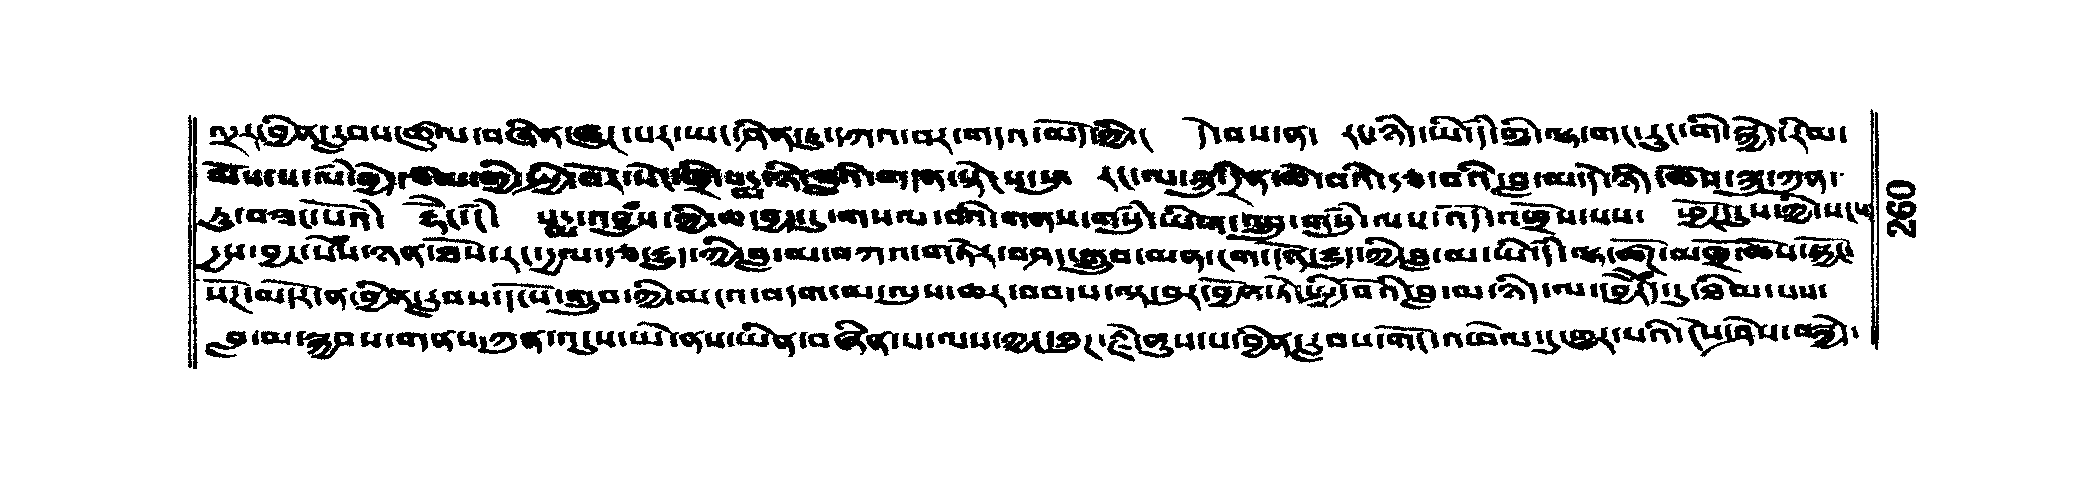འདྲ་བྱིན་རླབས་ཚུལ་བཞིན་ཞུག་པར་ཡང་ཤིན་ཏུ་དཀའ་བར་གདའ་མིད་ཀྱི། དེ་བས་ན་རང་ཉིད་ཡི་དམ་གྱི་ལྷ་གང་རུང་གི་བསྐྱེད་རིམ་
མོས་པ་ལམ་བྱེད་ཙམ་གྱི་སྤྱི་བོར་སེང་ཁྲི་པདྨ་ཉི་ཟླའི་གདན་སྟེངས་སུ། རང་ལ་སྐུ་དྲིན་ཆེ་བའི་རྩ་བའི་བླ་མ་དེ་ཉིད་ཆོས་སྐུ་ཀུན་
ཏུ་བཟང་པའམ། རྡོ་རྗེ་འཆང་ངམ། པདྨ་འབྱུང་གནས་ཀྱི་ཆ་བྱད་དུ་གསལ་བའི་གནས་གསུམ་ཡིག་འབྲུ་གསུམ་ལས་འོད་འཕྲོས་པས། ཕྱོགས་དུས་ཀྱི་སངས་
རྒྱས་བྱང་སེམས་ཉན་ཐོས་རང་རྒྱལ་རྩ་རྒྱུད་ཀྱི་བླ་མ་བཀའ་གཏེར་བཤད་སྒྲུབ་མན་ངག་དོན་རྒྱུད་ཀྱི་བླ་མ་ཡི་དམ་ལྷ་ཚོགས་མཁའ་འགྲོ་ཆོས་སྐྱོང་
སོགས་མདོར་ན་བྱིན་རླབས་དངོས་གྲུབ་ཀྱི་མངའ་བདག་མ་ལུས་ཆར་བབས་པ་ལྟ་བུར་བྱོན་ཏེ་སྤྱི་བོའི་བླ་མ་ཉིད་ལ་དབྱེར་མེད་དུ་ཐིམ་པས། 
བླ་མ་སྐྱབས་གནས་ཀུན་འདུས་ཡེ་ནས་ཡིན་བཞིན་པ་ལས་ཀྱང་ཐུགས་རྗེ་ནུས་པ་བྱིན་རླབས་གོང་འཕེལ་དུ་གྱུར་པའི་ངེས་ཤེས་བསྐྱེད་